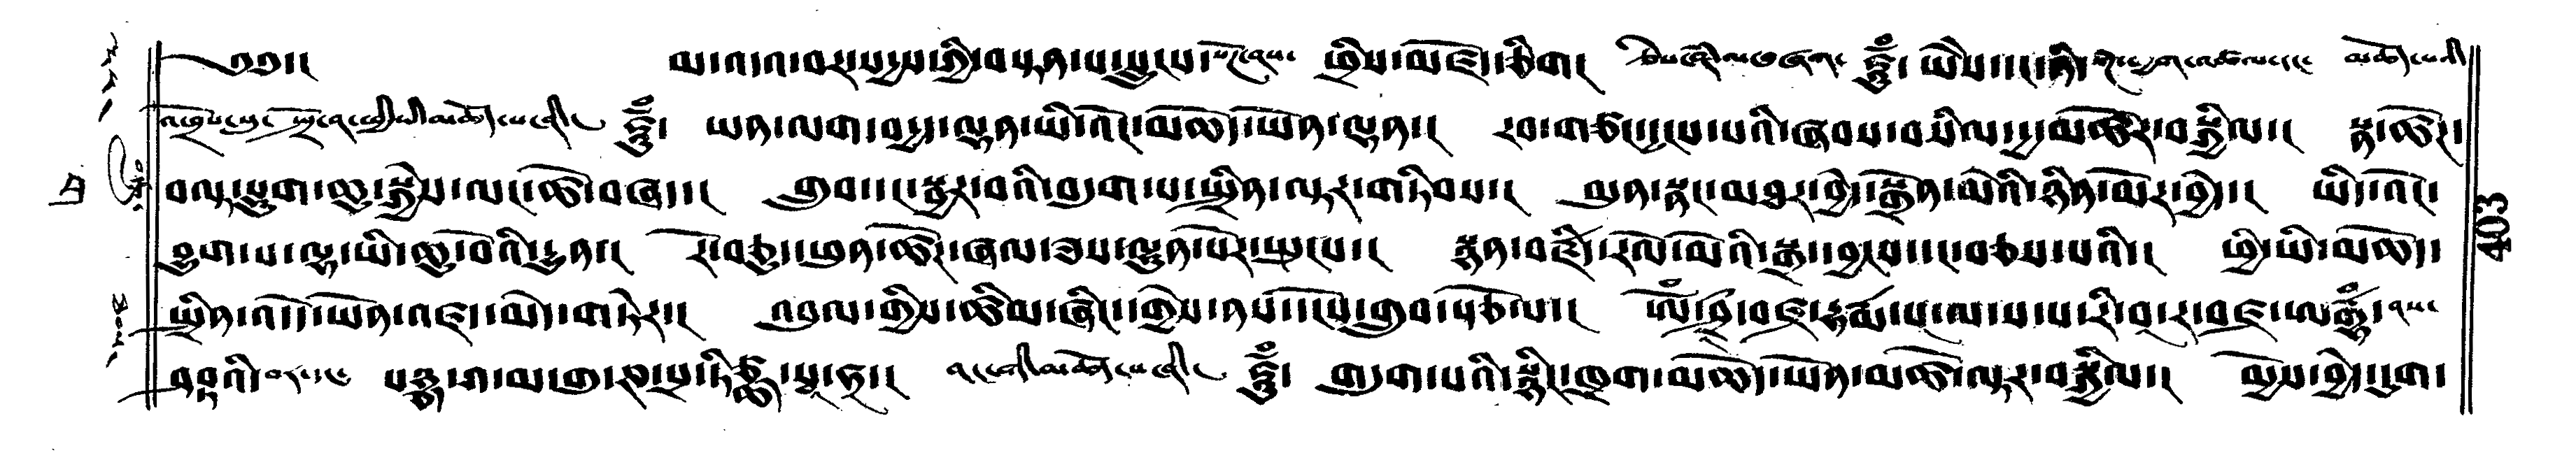མ་འདའ་བར་སངས་རྒྱས་ཀྱི་བསྟན་པ་སྲུངས་སོགས་ནས་ཕྲིན་ལས་མཛོད་ཅིག ཅེས་དམ་ལ་གཞག ཧཱུྃ། ཡེ་ཤེས་དང་ནི་སོགས་ཕྱག་འཚལ་དང་། མཆོད་པའི་
འཕྲོས་སུ་སྤྲོ་ན་ཕྱི་ཡི་མཆོད་པ་ནི། ཧཱུྃ། ཡན་ལག་བརྒྱད་ལྡན་ཡི་འོང་མཆོད་ཡོན་ལྡན། །རབ་གཙང་དྭངས་པའི་ཞབས་བསིལ་རྒྱ་མཚོར་བསྐྱིལ། སྣ་ཚོགས་
ལྟ་སྡུག་ཆུ་སྐྱེས་ལང་ཚོ་བཞད། །གྲུབ་དང་སྦྱར་བའི་བདུག་པ་སྤྲིན་ལྟར་གཏིབས། །མུན་སྣང་མཐར་བྱེད་སྒྲོན་མེའི་ཉིན་མོར་བྱེད། །ཡིད་འོང་
བྱུག་པ་ལྷ་ཡི་ཆུ་བོའི་རྒྱུན། །རོ་བཅུད་ཕུན་ཚོགས་ཞལ་ཟས་ལྷུན་པོར་སྤུངས། །སྙན་བརྗིད་རོལ་མོའི་སྒྲ་དབྱངས་དང་བཅས་པའི། ཕྱི་ཡི་མཆོད་
སྤྲིན་འདོད་ཡོན་འཛད་མེད་གཏེར། །འབུལ་གྱིས་ཚིམ་ཞིང་དགྱེས་ནས་དངོས་གྲུབ་སྩོལ།། ཨོཾ་ཤྲཱི་བཛྲ་དྷརྨ་པཱ་ལ་ས་པ་རི་བཱ་ར་བཛྲ་ཨརྒྷཾ་ནས་
ཤབྟ འི་བར་དང་། པཉྩ་ཀ་མ་གུ་ཎ་པྲ་ཏིཙྪ་སྭ་ཧཱ། ནང་གི་མཆོད་པ་ནི། ཧཱུྃ། གདུག་པའི་སྙིང་ཁྲག་མཆོད་ཡོན་མཚོ་ལྟར་བསྐྱིལ། །མྱོས་བྱེད་དུག་